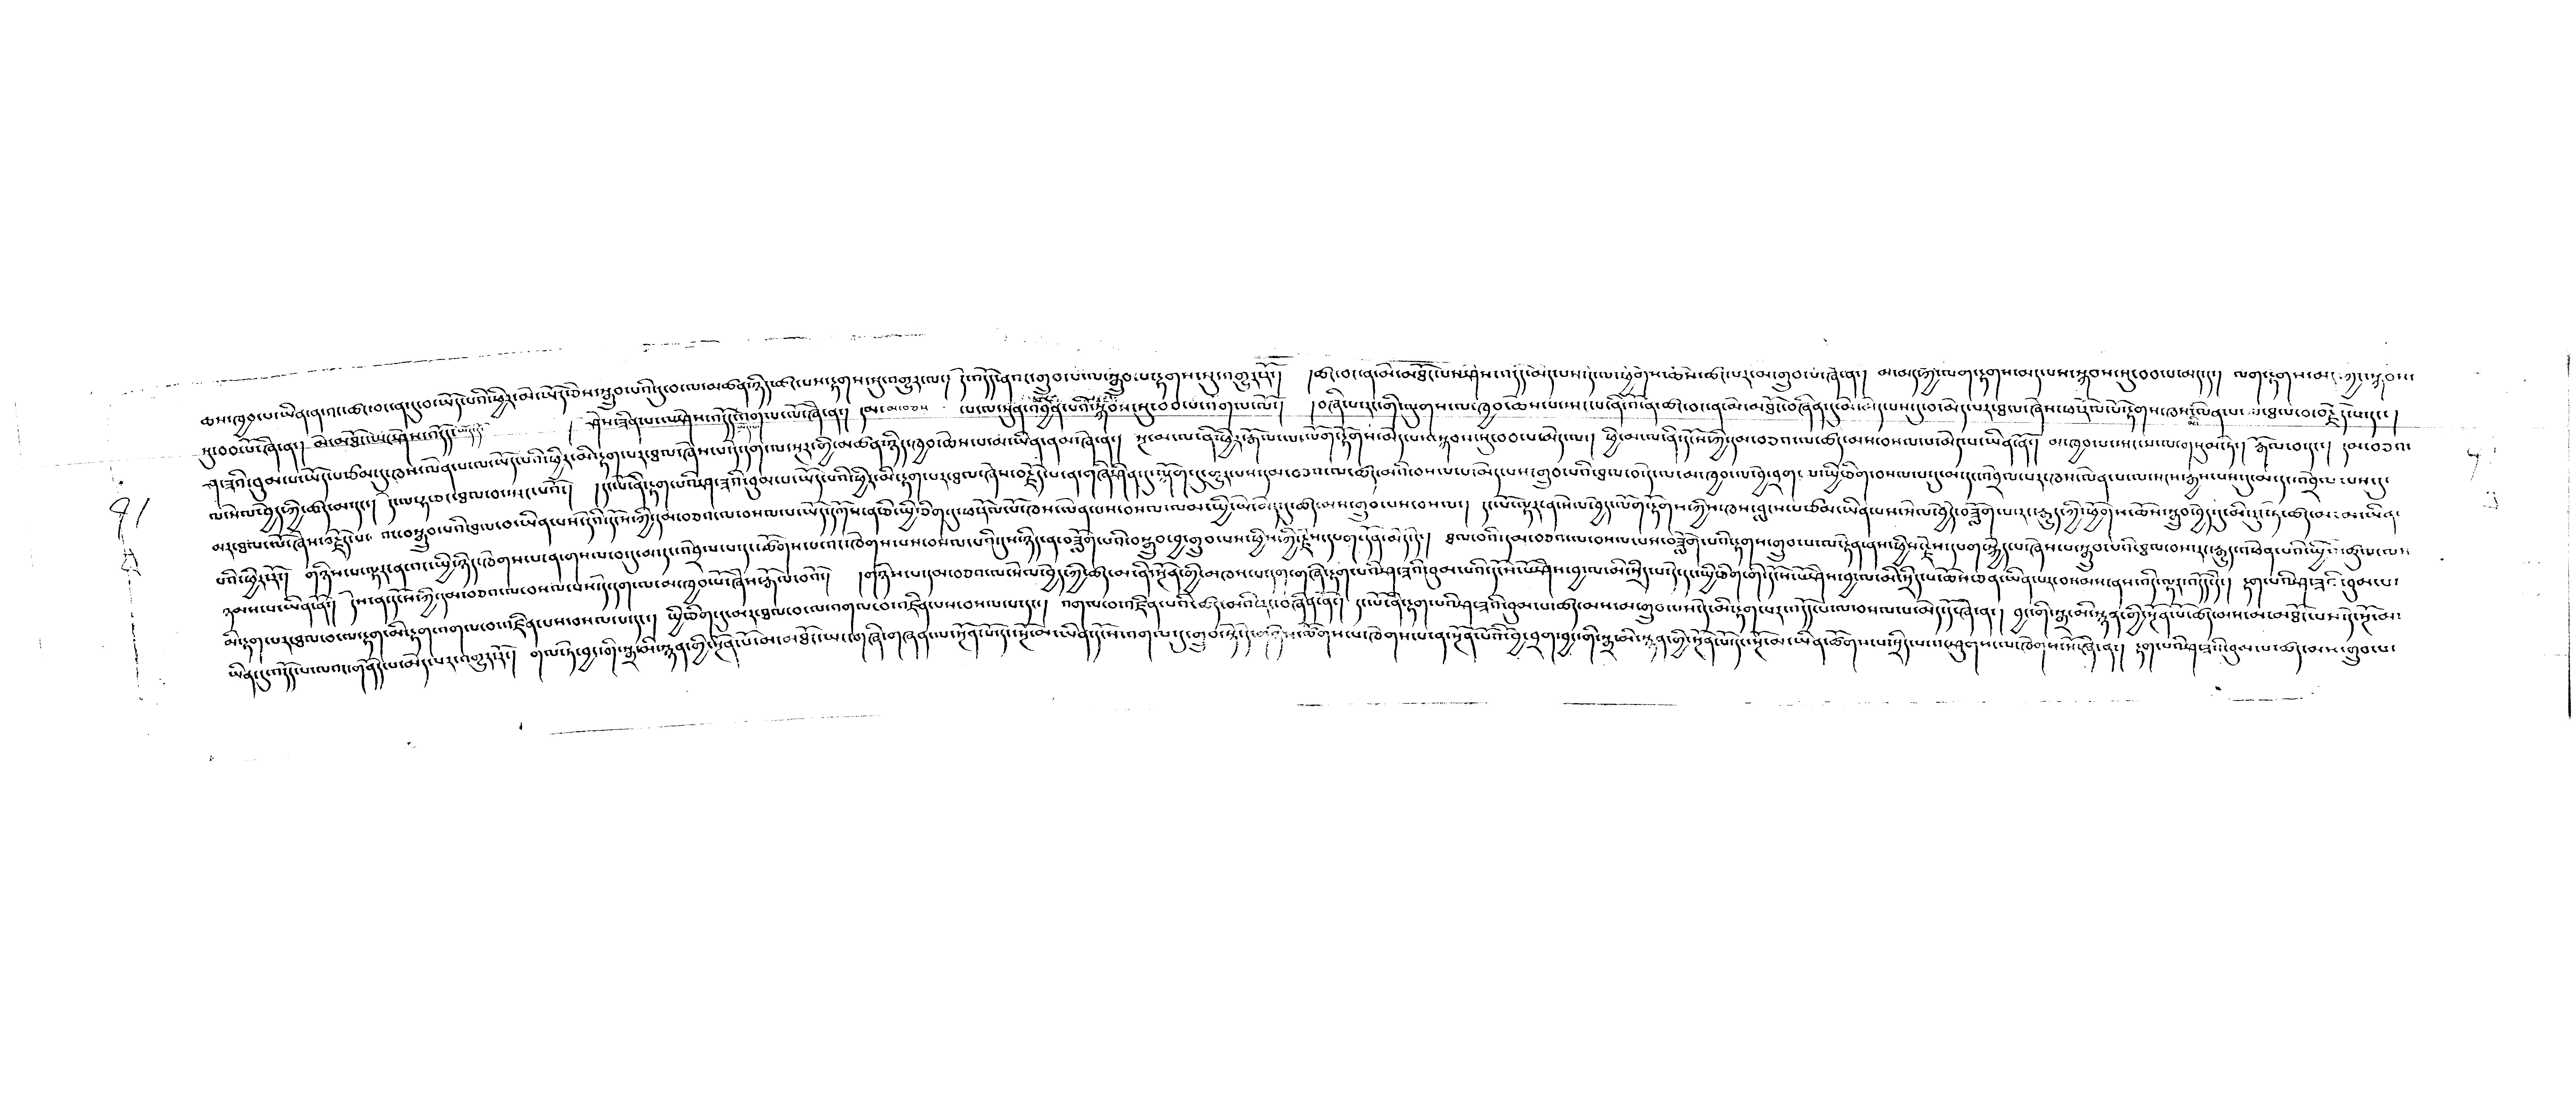ཆས་ཁྱབ་པ་ཡིན་ན་འང་ཚང་བང་ན་དུ་བ་ཡོད་པའི་ཕྱིར་མེ་ཡོད་ཅེས་སྒྲུབ་པའི་དུ་བ་ལ་མཚན་ཉིད་ཚང་པས་རྟགས་སུ་འགྱུར་ལ། དེ་འདོད་ནའང་གྲུབ་པ་ལ་སྒྲུབ་པ་རྟགས་སུ་འགྱུར་རོ། །ཚང་བང་ན་མེ་མཐོང་པས་ཤེས་འདོད་མེད་པས་དེ་ལ་ཕྱོགས་ཆོས་ཚང་པར་མ་གྲུབ་པ་ཞེ་ན། མེ་མེད་ཀྱི་ལག་རྟོགས་མེད་པས་སྐབས་སུ་བབ་པ་མེད་དེ། ལོག་རྟོགས་མིང་ཀྱང་སྐབས་
སུ་བབ་པོ་ཞེ་ན། མེ་མཐོང་ཡང་ཤེས་འདོད་ཡོད་དོ་།ཤེས་ཟིན་པ་ལ་ཤེས་འདོད་ཡོད་པ་འགལ་ལོ་ཞེ་ན། དམ་མ་བཅས་པ་ལ་སུན་འབྱིན་པའི་སྐབས་སུ་བབ་པ་འགལ་ལོ། །བཞི་པ་རང་གི་ལུགས་ལ་ཁྱབ་ཆེས་པ་སྤང་པ་ནི་འོ་ན་ཚང་བ་ན་མེ་མཐོང་བཞིན་དུ་མེ་མེད་པས་དུ་བ་མེད་པར་ཐལ་ཞེས་ཕ་རོལ་པོ་རྟགས་ཁས་མི་ལེན་པ་ལ་ཐལ་བ་བརྗོད་པ་དང་།
ཤ་ཟའི་བུམ་པ་ཡོད་པ་ཙམ་དུ་ཁས་ལེན་པ་ལ་ཡོད་པའི་ཕྱིར་མི་རྟག་པར་ཐལ་ཞེས་པ་དེ་དག་ལ་སྔར་གྱི་མཚན་ཉིད་ཁྱབ་ཆེས་པ་མ་ཡིན་ནམ་ཞེ་ན། སྔ་མ་ལ་ནི་ཕྱིར་རྒོལ་པ་ལོག་རྟོགས་མེད་པས་སྐབས་སུ་བབ་པ་མེད་ལ། ཕྱི་མ་ལ་ནི་དངོས་ཀྱི་དམ་བཅའ་ལ་ཚད་མས་བསལ་པ་མེད་པ་ཡིན་ནོ། མ་ཁྱབ་པ་སྤང་པ་ལ་གསུམ་ཏེ། རྒོལ་བ་དང་། དམ་བཅའ་
ལ་སེལ་བྱེད་ཀྱི་ཚད་མ་དང་། དེ་ལ་ཧ་ཅང་ཐལ་བ་སྤང་པའོ། །དང་པོ་ནི་རྟག་པའི་ཤ་ཟའི་བུམ་པ་ཡོད་པའི་ཕྱིར་མི་རྟག་པར་ཐལ་ཞེས་བརྗོད་པ་ན་གཞི་ཤིན་དུ་ལྐོག་དུ་གྱུར་པས་དམ་བཅའ་ལ་ཚད་མའི་བསལ་པ་མེད་པས་གྲུབ་པའི་ཐལ་བ་དེ་ལ་མ་ཁྱབ་ལ་བྱེ་བྲག་ལ་སྤྱི་ཅིག་བསལ་པ་དུ་མ་དང་འབྲེལ་པར་ཁས་ལེན་པ་ལ་སངས་རྒྱས་པས་དུ་མ་དང་འབྲེལ་པས་དུ་
མར་ཐལ་ལོ་ཞེས་བརྗོད་པ་འང་བསྒྲུབ་པའི་ཐལ་བ་ཡིན་པས་དེའི་དངོས་ཀྱི་དམ་བཅའ་ལ་བསལ་པ་ཡོད་དགོས་ན་ཅི་སྤྱི་ཅིག་དུ་ཕ་རོལ་པོ་ཁས་ལེན་པས་བསལ་ལམ་སྤྱི་མེ་མེད་དུ་ཚད་མས་གྲུབ་པས་བསལ། དང་པོ་ལྟར་ན་སེལ་བྱེད་ལོག་རྟོགས་ཀྱིས་ཁས་བླངས་པ་ཙམ་ཡིན་པས་སེལ་བྱེད་དེ་བཟློག་པ་རང་རྒྱུད་ཀྱི་ཕྱོགས་ཆོས་སྒྲུབ་བྱེད་དུ་མི་རུང་ཏེ་ཚད་མ་མ་ཡིན་
པའི་ཕྱིར་རོ། གཉིས་པ་ལྟར་ན་འང་སྤྱི་ཉིད་ཁེགས་པ་ན་གསལ་བ་དུ་མ་དང་འབྲེལ་པ་དང་ཚོགས་པ་འང་ཁེགས་པས་བསལ་པའི་དུས་ཉིད་ན་བཟློག་པའི་བསྒྲུབ་བྱ་གྲུབ་པས་ཕྱིས་ཀྱི་རྗེས་དཔག་དོན་མེད་དེ། ཐལ་བའི་དམ་བཅའ་ལ་བསལ་པས་བཟློག་པའི་རྟགས་གྲུབ་པ་ལ་རྟེན་ནས་ཕྱིས་རྗེས་དཔག་སྐྱེད་པ་ཞེས་པ་སྒྲུབ་པའི་ཐལ་བས་རང་རྒྱུད་འཕེན་པའི་སྤྱི་ཚུལ་ལས་
ཉམས་པ་ཡིན་ནོ། དེས་ན་དངོས་ཀྱི་དམ་བཅའ་ལ་བསལ་པས་དེ་དག་ལ་མ་ཁྱབ་པོ་ཞེས་རྒོལ་བའོ། །གཉིས་པ་དམ་བཅའ་ལ་སེལ་བྱེད་ཀྱི་ཚད་མ་ནི་སྔོན་གྱི་མཁས་པ་དག་གཞི་རྟག་པའི་ཤ་ཟའི་བུམ་པའི་དངོས་པོ་ཤེས་བྱ་ལ་མི་སྲིད་པ་དེ་དང་སྤྱི་ཅིག་གི་དངོས་པོ་ཤེས་བྱ་ལ་མི་སྲིད་པ་ཆོས་ཅན་ཡིན་པར་བསམས་ནས་འདི་ལྟར་འདོད་དེ། རྟག་པའི་ཤ་ཟའི་བུམ་པ་
མི་རྟག་པར་ཐལ་བ་ལ་རྟག་མི་རྟག་འགལ་བ་འཛིན་པས་བསལ་པ་དང་། སྤྱི་ཅིག་དུ་མར་ཐལ་བ་ལ་འགལ་བ་འཛིན་པས་བསལ་པ་དང་། འགལ་བ་འཛིན་པའི་ཚད་མའི་རང་བཞིན་ནོ། དང་པོ་ནི་རྟག་པའི་ཤ་ཟའི་བུམ་པ་ཚད་མས་མ་གྲུབ་པས་དེ་མི་རྟག་པར་འདོད་པ་ལ་བསལ་པ་མེད་དོ་ཞེ་ན། བྱང་གི་སྒྲ་མི་སྙན་གྱི་སྔོན་པོ་ཚད་མས་མ་མཐོང་པས་དེ་སྔོ་མ་
ཡིན་དུ་འདོད་པ་ལའང་གནོད་པ་མེད་པར་འགྱུར་རོ། གལ་ཏེ་བྱང་གི་སྒྲ་མི་སྙན་གྱི་སྔོན་པོ་མ་མཐོང་ཡང་གཞི་གཞན་ལ་སྔོན་པོ་དང་སྔོ་མ་ཡིན་དངོས་འགལ་དུ་གྲུབ་སྟེ་དེ་གཉིས་ཚོགས་པ་ཁེགས་པ་ན་སྔོན་པོའི་བྱེ་བྲག་བྱང་གི་སྒྲ་མི་སྙན་གྱི་སྔོན་པོ་དང་སྔོ་མ་ཡིན་ཚོགས་པ་སྲིད་པ་འང་ཤུགས་ལ་ཁེགས་སོ་ཞེ་ན། རྟག་པའི་ཤ་ཟའི་བུམ་པ་ཚད་མས་གྲུབ་པ་